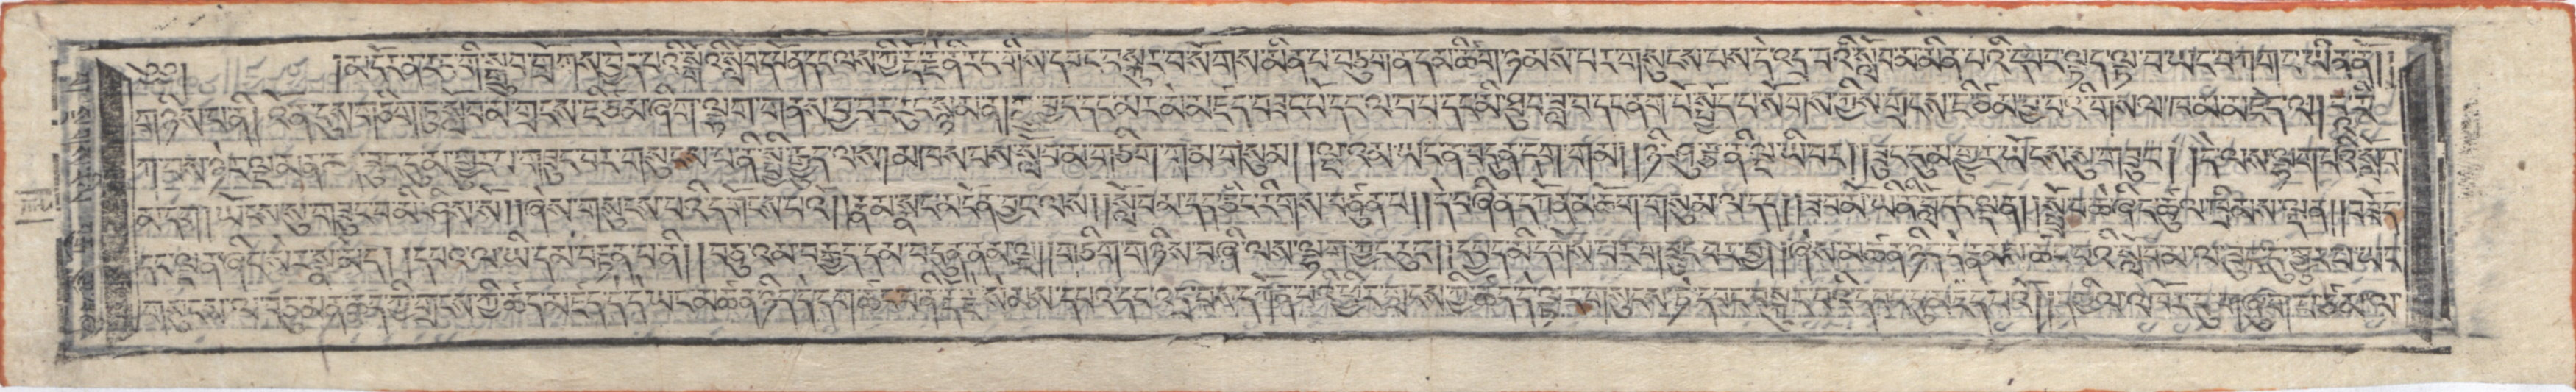༄༅། །མདོར་ན་རང་གི་སྒྲུབ་གྲོགས་བྱེད་པའི་སྒོའི་སློབ་དཔོན་དང་ལས་ཀྱི་རྡོ་རྗེ་ནི་རང་གིས་དབང་བསྐུར་བ་སོགས་མིན་པ་བཅུག་ན་དམ་ཚིག་ཉམས་པར་གསུངས་པས་དེ་འདྲ་བའི་སློབ་མ་མིན་པའི་དབང་ལྟད་ལྟ་བ་ཡང་བཀག་པ་ཡིན་ནོ། །
གཉིས་པ་ནི། འོ་ན་དུས་གཅིག་ཏུ་སློབ་མ་གྲངས་ཇི་ཙམ་ཞིག་ལྷག་གནས་བྱ་བར་རུང་སྙམ་ན། ཀླུ་བྱང་དང་མར་མེ་མཛད་བཟང་པོ་དང་ལ་བ་པ་དང་མི་ཐུབ་ཟླ་བ་དང་ནག་པོ་སྤྱོད་པ་སོགས་ཀྱིས་གྲངས་ཇི་ཙམ་བྱ་བའི་གསལ་ཁ་མ་མཇེད་ལ། དཱ་རི་
ཀ་བས་ཉེར་ལྔ་མན་ཆད་ཟུང་དུ་མ་གྱུར་པ་གཟུང་བར་གསུངས་པ་ནི་སྤྱི་རྒྱུད་ལས། མཁས་པས་སློབ་མ་གཅིག་གམ་གསུམ། །ལྔ་འམ་ཡང་ན་བདུན་དག་གམ། །ཉི་ཤུ་རྩ་ནི་ལྔ་ཡི་བར། །ཟུང་དུ་མ་གྱུར་ཡོངས་སུ་གཟུང་། །དེ་ལས་ལྷག་པའི་སློབ་
མ་དག །ཡོངས་སུ་གཟུང་བ་མི་ཤེས་སོ། །ཞེས་གསུངས་པའི་དགོངས་པའོ། །རྣམ་སྣང་མངོན་བྱང་ལས། །སློབ་མ་དད་ཅིང་རིགས་བཙུན་པ། །དེ་བཞིན་དཀོན་མཆོག་གསུམ་ལ་དད། །ཟབ་མོ་ཡི་ནི་བློ་དང་ལྡན། །སྤྲོ་བ་ཆེ་ཞིང་ཚུལ་ཁྲིམས་ལྡན། །བཟོད་
དང་ལྡན་ཞིང་སེར་སྣ་མེད། །དཔའ་ལ་ཡི་དམ་བརྟན་པ་ནི། །བཅུ་འམ་བརྒྱད་དམ་བདུན་ནམ་ལྔ། །གཅིག་གཉིས་བཞི་ལས་ལྷག་ཀྱང་རུང་། །དཔྱད་མི་དགོས་པར་གཟུང་བར་བྱ། །ཞེས་མཚན་ཉིད་དེ་རྣམས་ཚང་བའི་སློབ་མ་ལ་ཟུང་དུ་གྱུར་པ་ཡང་
གསུངས་ལ་བཅུ་མན་ཆད་ཀྱི་གྲངས་ཀྱི་ཚད་མཛད་དེ་དེ་ཡང་མཚན་ཉིད་དེ་དག་ཚང་བ་ནི་རྡོ་རྗེ་སེམས་དཔའ་དང་འདྲ་བས་དཀོན་པའི་ཕྱིར་གྲངས་ཀྱི་ཚད་དེ་ལྟར་གསུངས་ཏེ་དབང་བསྐུར་བའི་དབང་དུ་མཛད་པའོ། །དཀྱིལ་འཁོར་དུ་གཞུག་པ་ཙམ་ལ་